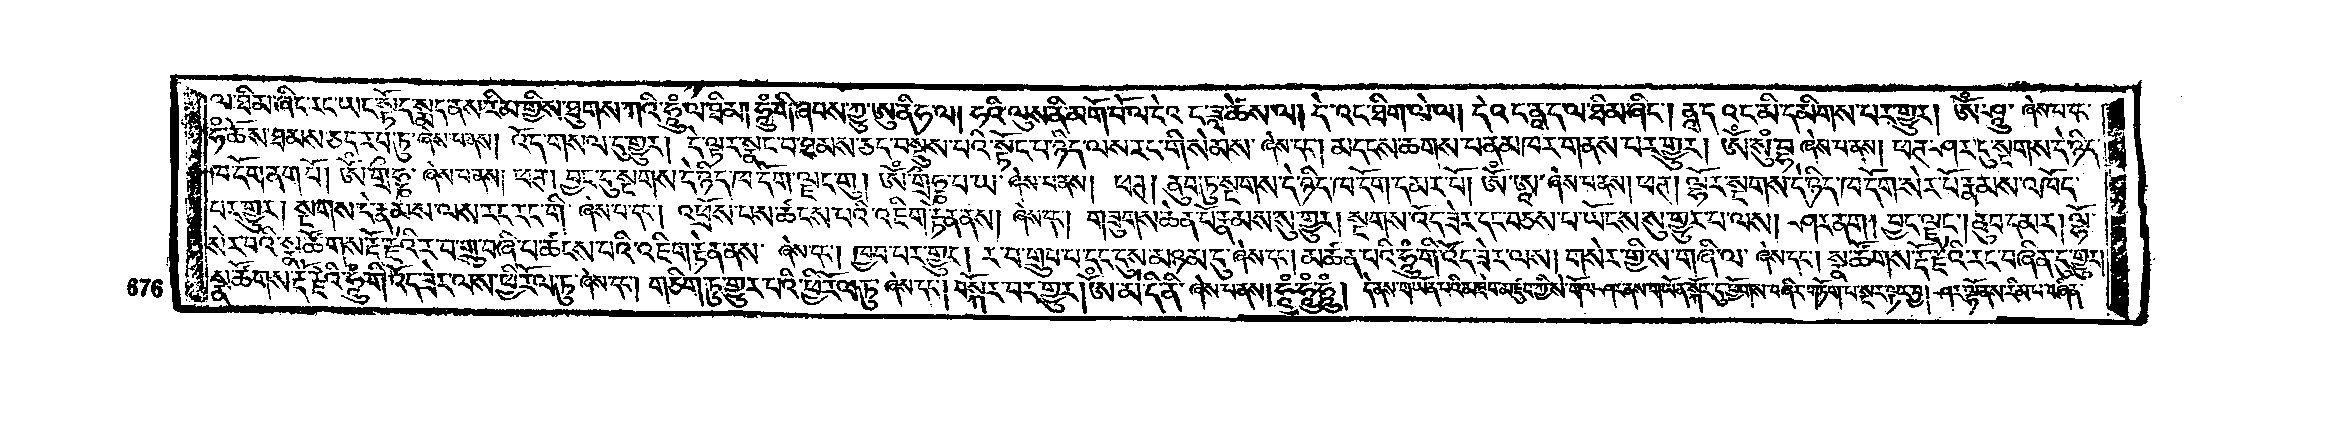ལ་ཐིམ་ཞིང་རང་ཡང་སྟོད་སྨད་ནས་རིམ་གྱིས་ཐུགས་ཀའི་ཧཱུཾ་ལ་ཐིམ། ཧཱུཾ་གི་ཞབས་ཀྱུ་ཨུ་ནི་ཧ་ལ། ཧའི་ལུས་ནི་མགོ་བོ་ལ་དེའང་ཟླ་ཚེས་ལ། དེ་འང་ཐིག་ལེ་ལ། དེའང་ནཱ་ད་ལ་ཐིམ་ཞིང་། ནཱ་དའང་མི་དམིགས་པར་གྱུར། ཨོཾ་ཤཱུ་ཞེས་པ་དང
ཧཾ་ཆོས་ཐམས་ཅད་རབ་ཏུ་ཞེས་པ་ནས།  འོད་གསལ་དུ་གྱུར། དེ་ལྟར་སྣང་བ་ཐམས་ཅད་བསྡུས་པའི་སྟོང་པ་ཉིད་ལས་རང་གི་སེམས་ཞེས་དང་།  མདངས་ཆགས་པ་ནམ་མཁར་གནས་པར་གྱུར། ཨོཾ་སུཾ་བྷ་ཞེས་པ་ནས།  ཕཊ་ཤར་དུ་སྔགས་དེ་ཉིད་
ཁ་དོག་ནག་པོ། ཨོཾ་གྲྀཧྞ་ཞེས་པ་ནས།  ཕཊ། བྱང་དུ་སྔགས་དེ་ཉིད་ཁ་དོག་ལྗང་གུ །ཨོཾ་གྲྀཧྞ་པ་ཡ་ཞེས་པ་ནས།  ཕཊ། ནུབ་ཏུ་སྔགས་དེ་ཉིད་ཁ་དོག་དམར་པོ། ཨོཾ་ཨཱ་ཞེས་པ་ནས།  ཕཊ། ལྷོར་སྔགས་དེ་ཉིད་ཁ་དོག་སེར་པོ་རྣམས་འཁོད་
པར་གྱུར། སྔགས་དེ་རྣམས་ལས་རང་རང་གི་ཞེས་པ་དང་།  འཕྲོས་པས་ཚངས་པའི་འཇིག་རྟེན་ནས། ཞེས་དང་།  གཟུགས་ཆེན་པོ་རྣམས་སུ་གྱུར། སྔགས་འོད་ཟེར་དང་བཅས་པ་ཡོངས་སུ་གྱུར་པ་ལས། ཤར་ནག །བྱང་ལྗང་། ནུབ་དམར། ལྷོ་
སེར་བའི་སྣ་ཚོགས་རྡོ་རྗེའི་ར་བ་གྲུ་བཞི་པ་ཚངས་པའི་འཇིག་རྟེན་ནས་ཞེས་དང་།  ཁྱབ་པར་གྱུར། ར་བ་གྲུབ་པ་དང་དུས་མཉམ་དུ་ཞེས་དང་།  མཚན་པའི་ཧཱུཾ་གི་འོད་ཟེར་ལས། གསེར་གྱི་ས་གཞི་ལ་ཞེས་དང་།  སྣ་ཚོགས་རྡོ་རྗེའི་རང་བཞིན་དུ་གྱུར།
སྣ་ཚོགས་རྡོ་རྗེའི་ཧཱུཾ་གི་འོད་ཟེར་ལས་ཕྱི་རོལ་ཏུ་ཞེས་དང་།  གཅིག་ཏུ་གྱུར་པའི་ཕྱི་རོལ་ཏུ་ཞེས་དང་།  བསྐོར་བར་གྱུར། ཨོཾ་མེ་དི་ནི་ཞེས་པ་ནས།  ཧཱུཾ་ཧཱུཾ་ཧཱུཾ། དེ་ནས་གཡོན་པའི་མཐེབ་མཛུབ་ཀྱི་སེ་གོལ་ཤར་ནས་གཡོན་སྐོར་དུ་ཕྱོགས་བཞིར་གཏོག་པ་སྔར་ལྟར་བྱ། ཤར་ལྷོ་ནས་རིམ་པ་བཞིན་